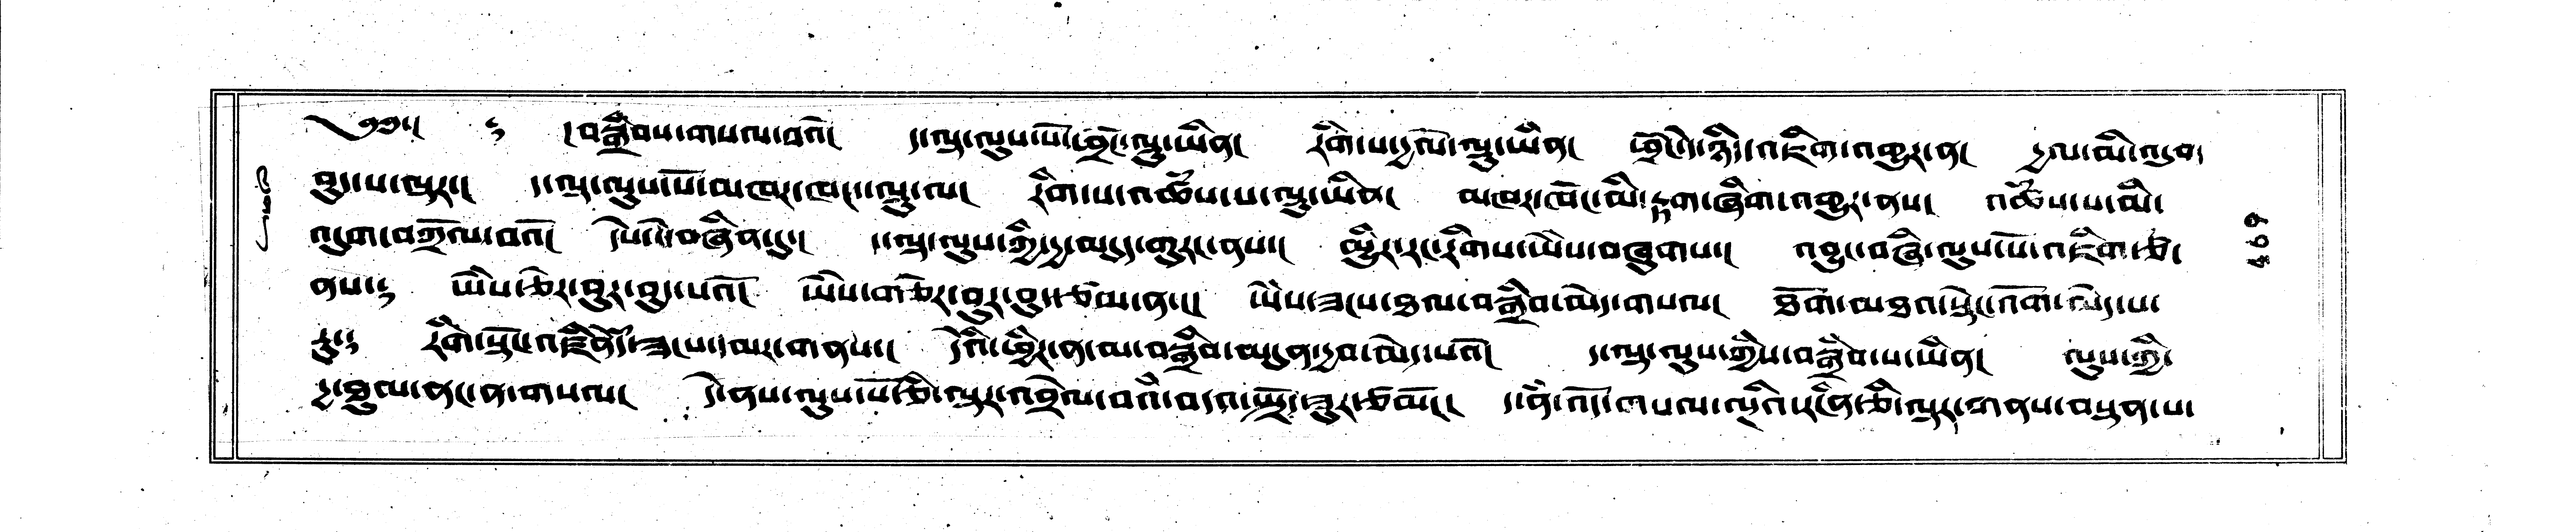བསྒྲིབས་གསལ་བའོ། ད་ལྟ་ལུས་པོ་ཕོ་བྲང་ལྟ་བུ་ལ། རིག་པ་རྒྱལ་པོ་ལྟ་བུ་ཡིན། ཕོ་བྲང་དེ་ཉིད་འཇིགས་འགྱུར་ན། རྒྱལ་པོ་མི་འདུག་
བུད་པའོ། ད་ལྟ་ལུས་པོ་མཁར་ཁང་ལྟ་བུ་ལ། རིག་པ་འཚམས་པ་ལྟ་བུ་ཡིན། མཁར་ཁང་མི་རྟག་ཞིག་འགྱུར་ན། འཚམས་པ་མི་
འདུག་བཀྲོལ་པའོ། དཔེ་དེ་བཞིན་དུ་ད་ལུས་ཀྱི་རྒྱ་མདུད་གུར་ཁང་ན། མི་གྱུར་རང་རིག་ཡེ་ཤེས་བཞུགས། འབྱུང་བཞིའི་ལུས་པོ་འཇིགས་ཙམ་
ན། ཡེ་ཤེས་གཅེར་བུར་བུད་པའོ། ཡེ་ཤེས་གཅེར་བུར་བུད་ཙམ་ན། ཡེ་ཤེས་ཟངས་ཏལ་སྒྲིབ་མེད་གསལ། ཐོག་མཐའ་སྟེང་འོག་མེད་པ་
རུ། རིག་སྟོང་འཛིན་མེད་ཟངས་མར་གནས། དེའི་ཕྱིར་ན་མ་སྒྲིབ་མདུན་རྒྱབ་མེད་པའོ། ད་ལྟ་ལུས་ཀྱིས་བསྒྲིབ་པ་ནི། ལུས་ཀྱི་
རྒྱར་འཐུམ་ནང་ན་གསལ། དེ་ནི་ལུས་སེམས་ཅི་ལྟར་འབྲེལ་བའི་བརྡའ་སྤྲོད་ཟུར་ཙམ་མོ། ད་ནི་འོད་ལྔ་ནང་ན་ཅི་ལྟར་གནས་པ་བསྟན་པ་